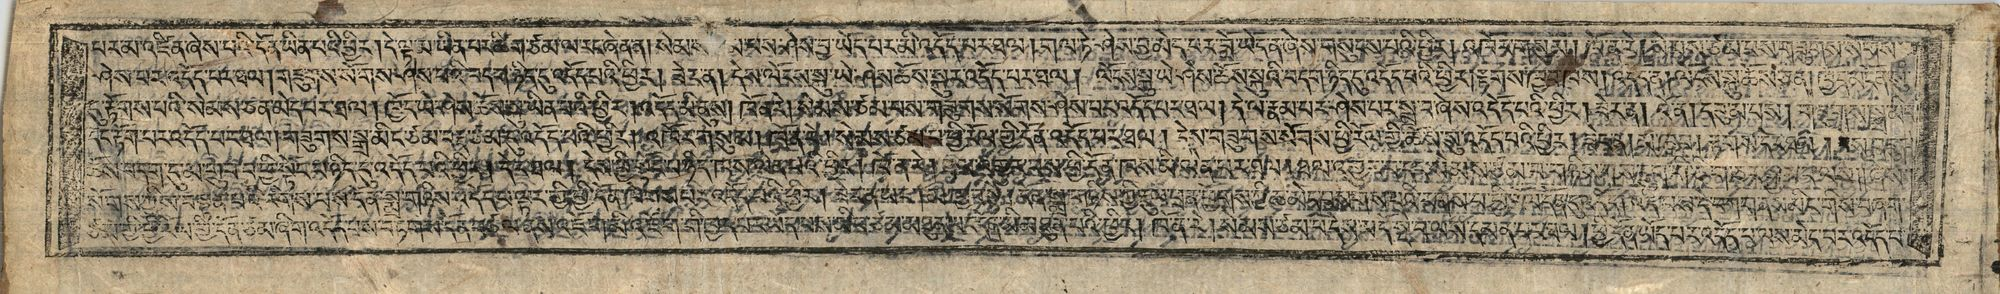པར་མ་འཛིན་ཞེས་པའི་དོན་ཡིན་པའི་ཕྱིར། དེ་ལྟ་མ་ཡིན་པར་ཚིག་ཙམ་ལ་རང་ཞེན་ན། སེམས་ཙམ་པས་ཤེས་བྱ་ཡོད་པར་མི་འདོད་པར་ཐལ། གལ་ཏེ་ཤེས་བྱ་མེད་པར་བློ་ཡོད་ན་ཞེས་གསུངས་པའི་ཕྱིར། འཁོར་གསུམ། ཁོ་ན་རེ། སེམས་ཙམ་པས་གཟུགས་སོགས་
ཤེས་པར་འདོད་པར་ཐལ། གཟུགས་སོགས་ཤེས་པའི་བདག་ཉིད་དུ་འདོད་པའི་ཕྱིར། ཟེར་ན། དེས་ལོངས་སྐུ་ཡེ་ཤེས་ཆོས་སྐུར་འདོད་པར་ཐལ། ལོངས་སྐུ་ཡེ་ཤེས་ཆོས་སྐུའི་བདག་ཉིད་དུ་འདོད་པའི་ཕྱིར། རྟགས་ཁྱབ་ཁས། འདོད་ན། ལོངས་སྐུ་ཆོས་ཅན། ཁྱོད་མངོན་སུམ་
དུ་རྟོགས་པའི་སེམས་ཅན་མེད་པར་ཐལ། ཁྱོད་ཡེ་ཤེས་ཆོས་སྐུ་ཡིན་པའི་ཕྱིར། འདོད་མི་ནུས། ཁོ་ན་རེ། སེམས་ཙམ་པས་གཟུགས་སོགས་ཤེས་པར་འདོད་པར་ཐལ། དེ་ལ་རྣམ་པར་ཤེས་པར་སྨྲ་བ་ཞེས་འདོད་པའི་ཕྱིར། ཟེར་ན། འོ་ན། དབུ་མ་པས། གཟུགས་སྒྲ་མིང་
དང་རྟོག་པར་འདོད་པར་ཐལ། གཟུགས་སྒྲ་མིང་ཙམ་བརྡ་ཙམ་དུ་འདོད་པའི་ཕྱིར། འཁོར་གསུམ། ཁོ་ན་རེ། སེམས་ཙམ་པ་ཕྱི་རོལ་གྱི་དོན་འདོད་པར་ཐལ། དེས་གཟུགས་སོགས་ཕྱི་རོལ་གྱི་ཆོས་སུ་འདོད་པའི་ཕྱིར། ཟེར་ན། མ་ཁྱབ། རྟགས་དེར་ཐལ། དེས་གཟུགས་
ཆོས་བདག་དུ་མ་གྲུབ་པ་ཕྱི་སྟོང་པ་ཉིད་དུ་འདོད་པའི་ཕྱིར། དེར་ཐལ། དེས་ཕྱི་སྟོང་པ་ཉིད་ཁས་ལེན་པའི་ཕྱིར། ཁོ་ན་རེ། ཐལ་འགྱུར་བས་ཕྱི་དོན་ཁས་མི་ལེན་པར་ཐལ། ཐལ་འགྱུར་བ་དང་སེམས་ཙམ་པ་གཉིས་ཀས་དྲུག་གི་ཅིག་ཅར་སྦྱར་བ་ལས། །ཞེས་
སོགས་ཀྱིས་བསྟན་པའི་རིགས་པས་དོན་སྨྲ་གཉིས་འདོད་པ་ལྟར་གྱི་ཕྱི་དོན་ཁེགས་པར་འདོད་པའི་ཕྱིར། ཟེར་ན་ཡང་། མ་ཁྱབ་སྟེ། དོན་སྨྲ་གཉིས་ཀྱི་རྡུལ་ཕྲན་ཕྱོགས་ཀྱི་ཆ་མེད་བསགས་པའི་རགས་པ་ཕྱི་རོལ་དོན་དུ་འདོད། འདི་པས་དེ་བཀག་ནས་མིང་གིས་བཞག་
ཙམ་གྱི་ཕྱི་རོལ་གྱི་དོན་ཙམ་ཞིག་འདོད་པས་བཏགས་དོན་བཙལ་ནས་འཇོག་མི་འཇོག་གི་ཁྱད་པར་ཡོད་པས་མིང་ཙམ་མཐུན་ཡང་དོན་མི་མཐུན་པའི་ཕྱིར། ཁོ་ན་རེ། སེམས་ཙམ་པ་དེས་མདོ་སྡེ་བ་ལས་དམན་པར་ཐལ། ཕྱི་དོན་ཡོད་པར་འདོད་པ་ལས་མེད་པར་འདོད་པ་